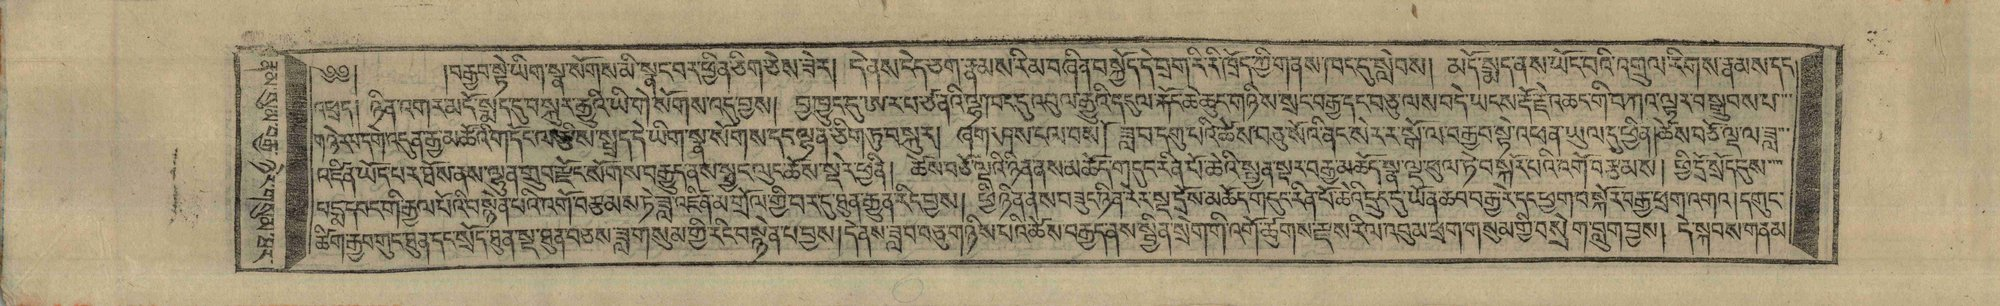༄༅། །བརྒྱབ་སྟེ་ཡིག་སྣ་སོགས་མི་སྣང་བར་ཕྱིན་ཅིག་ཅེས་ཟེར། དེ་ནས་ངེད་ཅག་རྣམས་རིམ་བཞིན་བསྐྱོད་དེ་བྲག་རི་རི་ཁྲོད་ཀྱི་གནས་ཁང་དུ་སླེབས། མདོ་སྨད་ནས་ཡོང་བའི་འགྲུལ་རིགས་རྣམས་དང་
འཕྲད། ཉིན་འགར་མདོ་སྨད་དུ་བསྐུར་རྒྱུའི་ཡི་གེ་སོགས་འདུ་བྱས། བྱ་ཁྱུང་དུ་ཨ་ར་པ་ཙ་ནའི་ལྷ་ཁང་དུ་འབུལ་རྒྱུའི་དངུལ་རྐོང་ཆེ་ཆུང་གཉིས་སྲང་བརྒྱ་དང་བཅུ་ལས་བདེ་ཡངས་རྡོ་རྗེ་འཆང་གི་བཀའ་ལྟར་བསྒྲུབས་པ་
གཉེར་པ་དགེ་འདུན་རྒྱ་མཚོའི་གདོང་ལ་རྩིས་སྤྲད་དེ་ཡིག་སྣ་སོགས་དང་ལྷན་ཅིག་ཏུ་བསྐུར། ཞག་ཤས་ངལ་བསོ། ཟླ་བ་དགུ་པའི་ཚེས་བཅུ་སོའི་ནང་སེར་ར་སྒོ་ལ་བརྒྱབ་སྟེ་འཕན་ཡུལ་དུ་ཕྱིན། ཚེས་བཅོ་ལྔ་ལ་ཟླ་
འཛིན་ཡོད་པར་ཐོས་ནས་ལྷུན་གྲུབ་རྫོང་སོགས་བརྒྱུད་ནས་སྦྱང་ལུང་ཆོས་སྡེར་ཕྱིན། ཚེས་བཅོ་ལྔའི་ཉིན་ནས་མཆོད་གདུང་རིན་པོ་ཆེའི་སྤྱན་སྔར་བརྒྱ་མཆོད་སྣ་ལྔ་ཕུལ་ཏེ་བསྐོར་པའི་འགོ་བརྩམས། ཕྱི་དྲོ་སྲོད་དུས་
པདམ་དབང་གི་རྒྱལ་པོའི་བསྙེན་པའི་འགོ་བརྩམས་ཏེ་ཟླ་འཛིན་མ་གྲོལ་གྱི་བར་དུ་ཐུན་རྒྱུན་རིང་བྱས། ཕྱི་ཉིན་ནས་བཟུང་ཉིན་རེར་སྔ་དྲོས་མཆོད་གདུང་རིན་པོ་ཆེའི་དྲུང་དུ་ཡོན་ཆབ་བརྒྱ་རེ་དང་ཕྱག་བསྐོར་བརྒྱ་ཕྲག་འགའ། དགུང་
ཚིག་རྒྱབ་གུང་ཐུན་དང་སྲོད་ཐུན་སྔ་ཐུན་བཅས་ཟླ་གསུམ་གྱི་རིང་བསྙེན་པ་བྱས། དེ་ནས་ཟླ་བ་བཅུ་གཉིས་པའི་ཚེས་བརྒྱད་ནས་སྦྱིན་སྲེག་གི་འགོ་ཚུགས་རྫས་རིལ་འབུམ་ཕྲག་གསུམ་གྱི་བསྲེག་བླུག་བྱས། དེ་སྐབས་གནམ་